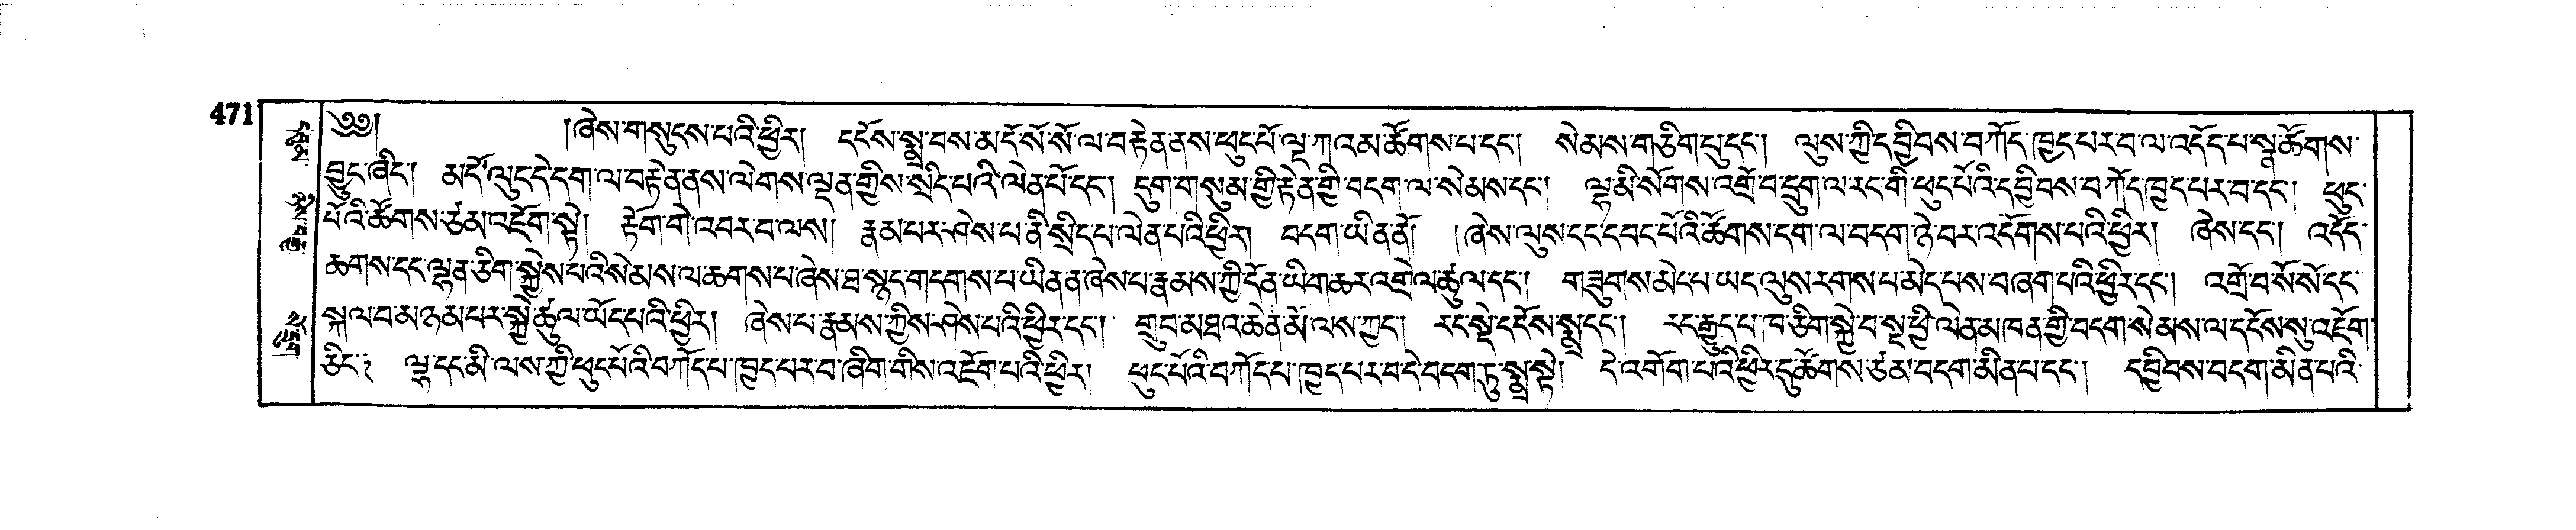༄༅། །ཞེས་གསུངས་པའི་ཕྱིར། དངོས་སྨྲ་བས་མདོ་སོ་སོ་ལ་བརྟེན་ནས་ཕུང་པོ་ལྔ་ཀའམ་ཚོགས་པ་དང་། སེམས་གཅིག་པུ་དང་། ལུས་ཀྱི་དབྱིབས་བཀོད་ཁྱད་པར་བ་ལ་འདོད་པ་སྣ་ཚོགས་
བྱུང་ཞིང་། མདོ་ལུང་དེ་དག་ལ་བརྟེན་ནས་ལེགས་ལྡན་གྱིས་སྲིད་པའི་ལེན་པོ་དང་། དུག་གསུམ་གྱི་རྟེན་གྱི་བདག་ལ་སེམས་དང་། ལྷ་མི་སོགས་འགྲོ་བ་དྲུག་ལ་རང་གི་ཕུང་པོའི་དབྱིབས་བཀོད་ཁྱད་པར་བ་དང་། ཕུང་
པོའི་ཚོགས་ཙམ་འཇོག་སྟེ། རྟོག་གེ་འབར་བ་ལས། རྣམ་པར་ཤེས་པ་ནི་སྲིད་པ་ལེན་པའི་ཕྱིར། བདག་ཡིན་ནོ། །ཞེས་ལུས་དང་དབང་པོའི་ཚོགས་དག་ལ་བདག་ཉེ་བར་འདོགས་པའི་ཕྱིར། ཞེས་དང་། འདོད་
ཆགས་དང་ལྷན་ཅིག་སྐྱེས་པའི་སེམས་ལ་ཆགས་པ་ཞེས་ཐ་སྙད་གདགས་པ་ཡིན་ན་ཞེས་པ་རྣམས་ཀྱི་དོན་ཡིག་ཆར་འགྲེལ་ཚུལ་དང་། གཟུགས་མེད་པ་ཡང་ལུས་རགས་པ་མེད་པས་བཞག་པའི་ཕྱིར་དང་། འགྲོ་བ་སོ་སོ་དང་
སྐལ་བ་མཉམ་པར་སྐྱེ་ཚུལ་ཡོད་པའི་ཕྱིར། ཞེས་པ་རྣམས་ཀྱིས་ཤེས་པའི་ཕྱིར་དང་། གྲུབ་མཐའ་ཆེན་མོ་ལས་ཀྱང་། རང་སྡེ་དངོས་སྨྲ་དང་། རང་རྒྱུད་པ་ཁ་ཅིག་སྐྱེ་བ་སྔ་ཕྱི་ལེན་མཁན་གྱི་བདག་སེམས་ལ་དངོས་སུ་འཇོག་
ཅིང་། ལྷ་དང་མི་ལས་ཀྱི་ཕུང་པོའི་བཀོད་པ་ཁྱད་པར་བ་ཞིག་གིས་འཇོག་པའི་ཕྱིར། ཕུང་པོའི་བཀོད་པ་ཁྱད་པར་བ་དེ་བདག་ཏུ་སྨྲ་སྟེ། དེ་འགོག་པའི་ཕྱིར་དུ་ཚོགས་ཙམ་བདག་མིན་པ་དང་། དབྱིབས་བདག་མིན་པའི་